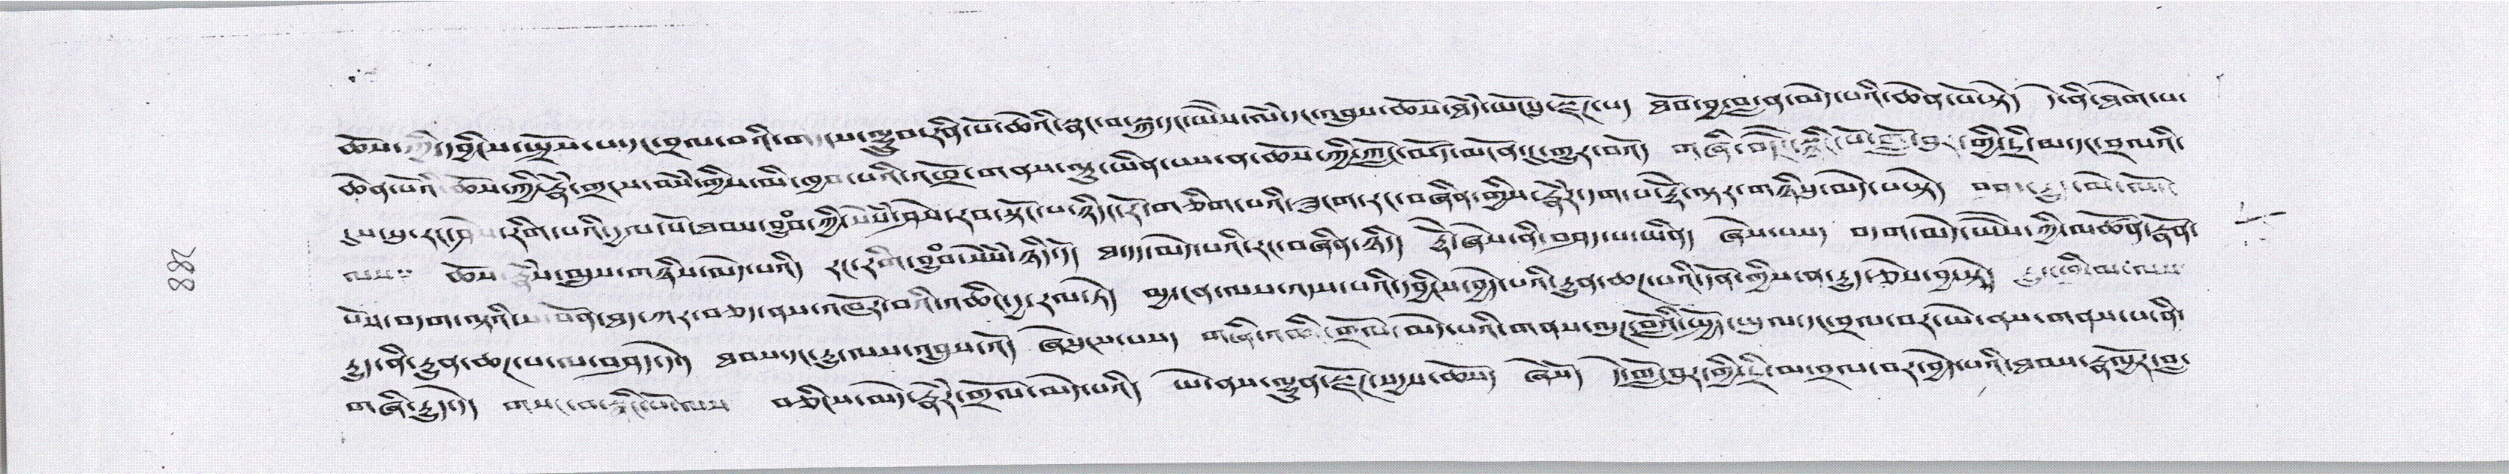ཆོས་ཀྱི་དབྱིངས་སྤྲོས་པ་དང་བྲལ་བའི་གདངས་ལྷབ་ལྷུབ་རིན་པོ་ཆེའི་སྣང་བ་སྐུ་དང་ཡེ་ཤེས་ལམ་དང་འབྲས་བུ་ཆོས་ཐམས་ཅད་ཡོངས་སུ་རྫོགས་པ། ཐོབ་བྱ་བླ་ན་མེད་པའི་ཆེན་པོ་སྟེ། དེ་ནི་ཐེག་པ་
ཆེན་པོའི་ཆོས་ཀྱི་རྣམ་གྲངས་བསམ་གྱིས་མི་ཁྱབ་པའི་འཕྲོ་གནས་ལྟ་བུ་ཡིན་པས་ན་ཆོས་ཀྱི་ཀློང་མཛོད་མངོན་དུ་གྱུར་བའོ། གཞི་བདེ་གཤེགས་སྙིང་པོ་གློ་བུར་གྱི་དྲི་མ་དང་བྲལ་བའི་
དུས་སུ་རང་སེས་རིག་པའི་རྒྱལ་པོ་ཐབས་བྱང་ཆུབ་ཀྱི་སེམས་ཤེས་རབ་སྟོང་པ་ཉིད་དང་རོ་གཅིག་པའི་ཟུང་འཇུག་རང་བཞིན་གྱིས་རྣམ་པར་དག་པ་རྡོ་རྗེ་ལྟར་གཉིས་སུ་མེད་པ་སྟེ། བཤད་རྒྱུད་མེ་ལོང་
ལས། ཆོས་རྣམས་མ་ལུས་གཉིས་མེད་པའི། རང་རིག་བྱང་ཆུབ་སེམས་ཉིད་དོ། ཐ་དད་མེད་པའི་རང་བཞིན་ཉིད། རྡོ་རྗེ་ཞེས་ནི་བཤད་པ་ཡིན། ཞེས་པས། བདག་མེད་ཡེ་ཤེས་ཀྱི་མཚོན་རྣོན་
པོས་བདག་ལྟའི་ས་བོན་ཐད་ཀར་བཅད་ནས་འཁོར་བའི་འཆིང་རྒྱ་རལ་ཏེ། མྱ་ངན་ལས་འདས་པའི་དབྱིངས་བྱེད་པའི་རྒྱུན་ཆགས་པའི་དོན་གྱིས་ན་རྒྱུད་ཅེས་བྱ་སྟེ། རྒྱུ་ཕྱི་མ་ལས་
རྒྱུད་ནི་རྒྱུན་ཆགས་པ་ལ་བཤད་དེ། ཐབས་དང་རྒྱུ་ལས་འབྲས་བུ་འོ། ཞེས་གསུངས་པས། གཞི་འཆིང་གྲོལ་མེད་པའི་གནས་ལུགས་བློའི་སྤྱོད་ཡུལ་དང་བྲལ་བར་ཡེ་ནས་གནས་པ་ནི་
གཞི་རྒྱུད་དེ། གསང་བ་སྙིང་པོ་ལས། བཅིངས་མེད་རྣམ་པར་གྲོལ་མེད་པའི། ཡེ་ནས་ལྷུན་རྫོགས་སངས་རྒྱས་ཆོས། ཞེས་སོ། དེ་གློ་བུར་གྱི་དྲི་མ་བྲལ་བར་བྱེད་པའི་ཐབས་རྣལ་འབྱོར་བླ་